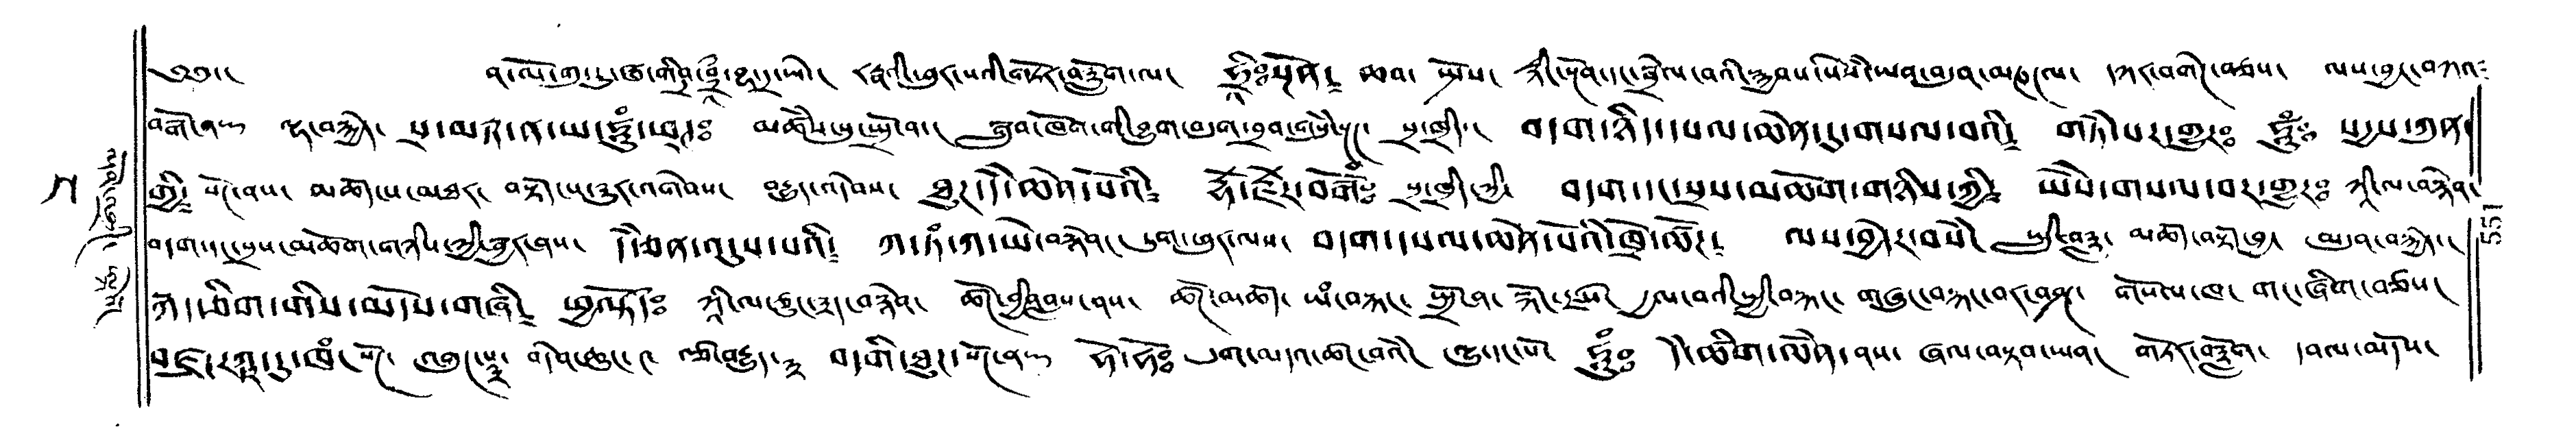ན་མོ་གུ་རུ་ཝ་གིན་དྲ་ཤྲཱྀ་བྷ་དྲ་ཡེ། རཏྣའི་ཕུར་པའི་གཏོར་བཟློག་ལ། ཧྲཱིཿསྔོན༴ ཆབ། སྤོས། རྙིང་སྔོན་དང་སྦྲེལ་བའི་སྐྱབས་སེམས། ཡན་བདུན། མཎྜལ། དཀར་བགེགས་བཅས། ལས་བྱང་བཀའ་
བསྒོ་ནས། ལྷ་བསྐྱེད། པྲ་མརྟ་ན་ཡ་ཧཱུྃ་ཕཊཿ མཚམས་སུ་སྤྲོ་བ། སྒྲུབ་ཁོག་གི་བྱུག་བདུག་བྲབ་གསུམ་སྔགས། པྲ་ཁྲིད། བདག་ཉིད་དཔལ་ཆེན་དུ་གསལ་བའི༴ གཏམ་པར་གྱུརཿ ཧཱུྃ༔ སངས་རྒྱས་ཀུན་
གྱི༴ སོགས་ནས། མཆོད་པ་མཐར། བསྟོད་པ་ཟུར་འགེབས། བརྒྱུད་འདེབས། ཐུགས་དམ་ཆེན་པོའི༴ རྡོ་རྗེར་བསྒོམ པྲ་ཁྲིད་ཀྱི། བདག་དང་སྲས་མཆོག་གཉིས་ཀྱི༴ ཡེ་ཤེས་གསལ་བར་གྱུར༔ ཀཱི་ལ་བསྙེན། 
བདག་དང་སྲས་མཆོག་གཉིས་ཀྱི་སྦྱར་ནས། དམ་ཅན་འདུས་པའི༴ ཀ་ཏཾ་ཀ་ཡེ་བསྙེན། དུག་ཕུར་ལས། བདག་དཔལ་ཆེན་པོའི་ཁྲོ་ཚོགས༴ ལས་བྱེད་པར་བསམ། སྤུ་གྲི་བཟླ། མཆོད་བསྟོད་བྱ། མདུན་བསྐྱེད། 
སྐད་ཅིག་གིས་མདོས་གཞི༴ ཕྱག་འཚལ་བསྟོད༔ ཀཱི་ལ་ཅུང་ཟད་བསྙེན། ཚོགས་བྱིན་རླབས་ནས། ཚོགས་མཆོད། ཡཾ་བསྐང་། སྤྲོ་ན། སྐོང་རྫས། རྒྱལ་བ་སྤྱི་བསྐང་། གཞུང་བསྐང་བར་བཤགས། གསོལ་ཁ། གང་ཞིག་བཅས། 
བཛྲ་རཀྵ་དུ་ཁཾ༔ སོགས། འགུགས་པ་གསུམ། བདེན་ཆུང་བཞི། རྩ་བརྒྱུད་གསུམ། བདག་གི་ཐུགས༴ སོགས་ནས། ཧོ་ཧོཿ དུག་མདའ་ཚང་བའམ། ལྷུ་དང་པོ། ཧཱུཾཿ དམ་ཚིག་ཆེན་པོ་ནས། ཞལ་བསྟབ་ཡན། གཏོར་བཟློག། དབལ་མདོས་